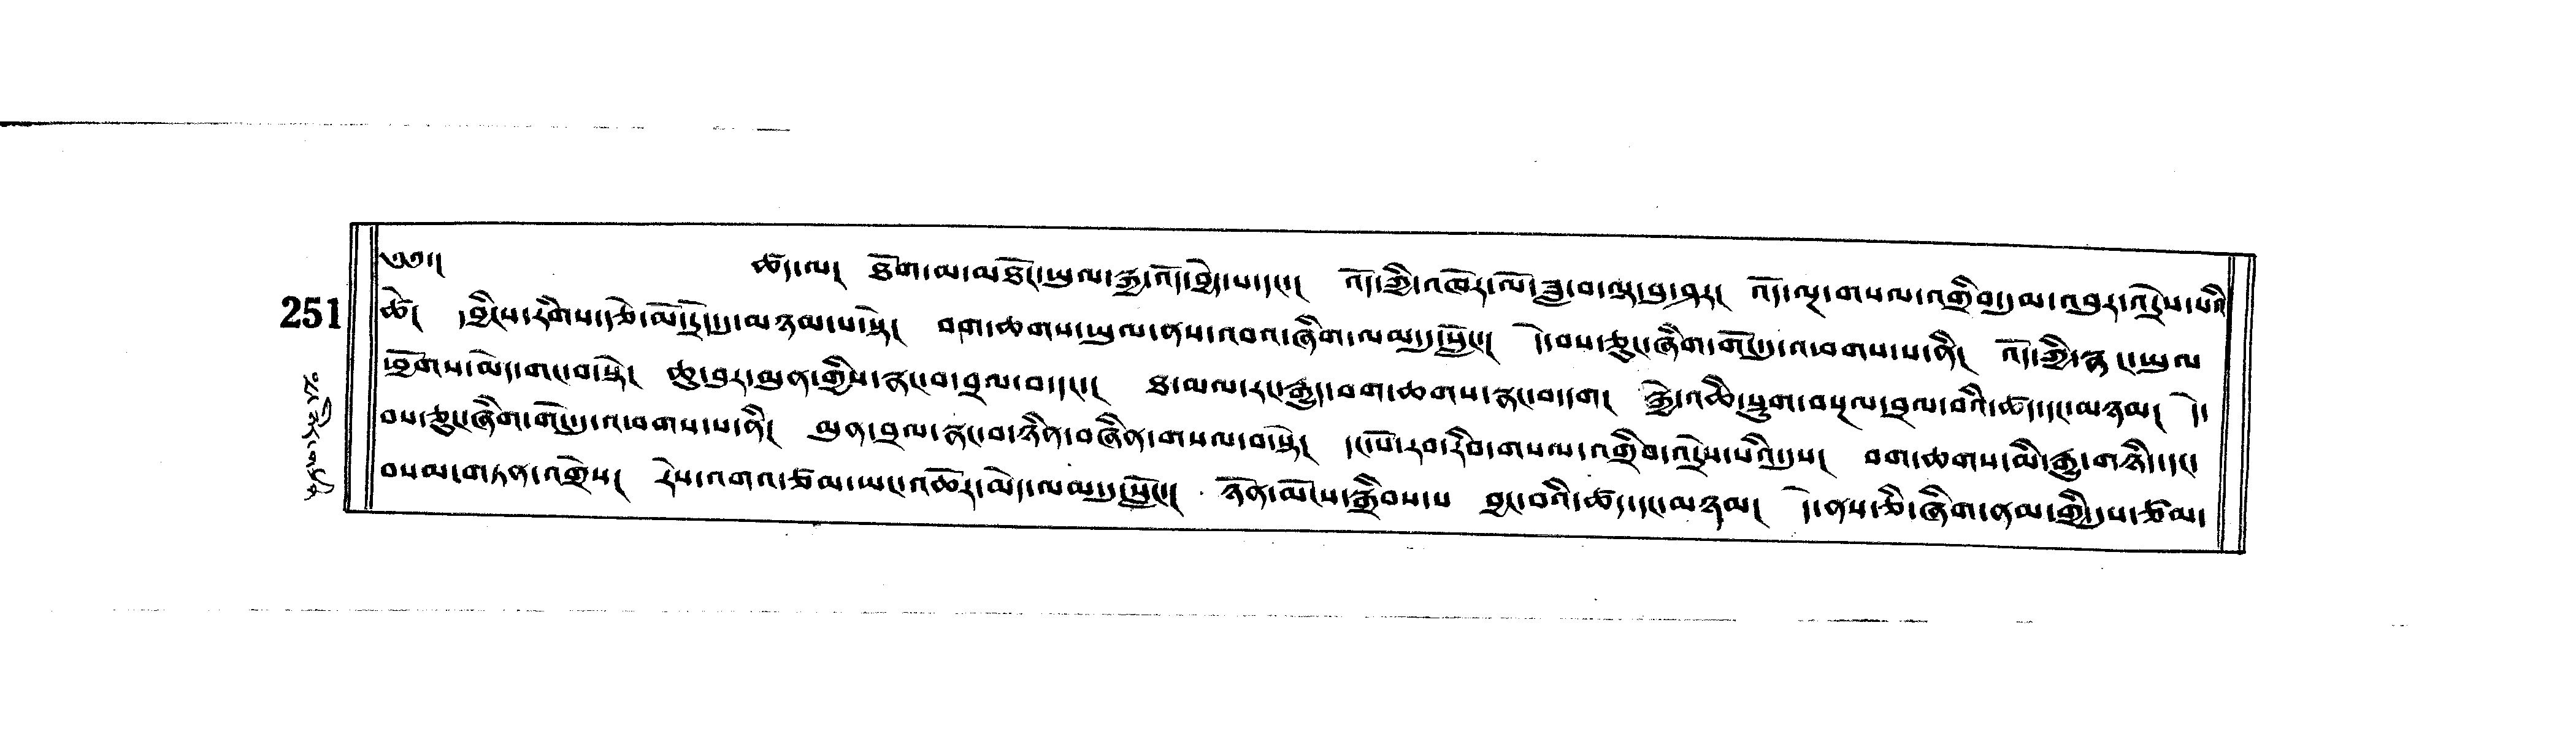ཚད་ལ། ཐོག་མ་མཐོང་ཡུལ་སྐྱ་འོད་བྱེད་པ་དང་། འོད་ཀྱི་འཁོར་ལོ་ཟླ་བ་ལྟ་བུ་ཤར། འོད་ལྔ་གསལ་འགྲིབ་དུམ་བུར་འདྲེས་པའི་
ཚེ། དབྱིངས་རིག་རྩེ་མོ་དྲོད་དུ་མཉམ་པ་སྟེ། བག་ཆགས་ཡུལ་ནས་འབའ་ཞིག་ལམ་དུ་སློང་། དེ་བས་ཅུང་ཞིག་གོང་དུ་འཕགས་པ་ནི། འོད་ཀྱི་སྣང་ཡུལ་
ཕྱོགས་མེད་གང་བ་སྟེ། ཆུ་བུར་མུན་གྱི་སྣང་བ་བྲལ་བ་དང་། ཐ་མལ་རང་རྒྱུད་བག་ཆགས་སྣང་བ་དག སྐྱེ་འཆི་སྡུག་བསྔལ་བྲལ་བའི་ཚད་དང་མཉམ། དེ་
བས་ཅུང་ཞིག་གོང་དུ་འཕགས་པ་ནི། མུན་བྲལ་སྣང་བ་ཉིན་བཞིན་གསལ་བ་སྟེ། དང་པོ་རབ་རིབ་གསལ་འགྲིབ་འདྲེས་པའི་དུས། བག་ཆགས་མི་རྒྱུ་གཉིད་དང་
བསམ་གཏན་འདྲེས། རེ་འགའ་ཙམ་ཡང་འཆོར་མེད་ལམ་དུ་སློང་། ཉོན་མོངས་སྒྲིབ་པ་བྱང་བའི་ཚད་དང་མཉམ། དེ་ནས་ཅི་ཞིག་ནམ་གྱི་དུས་ཙམ་